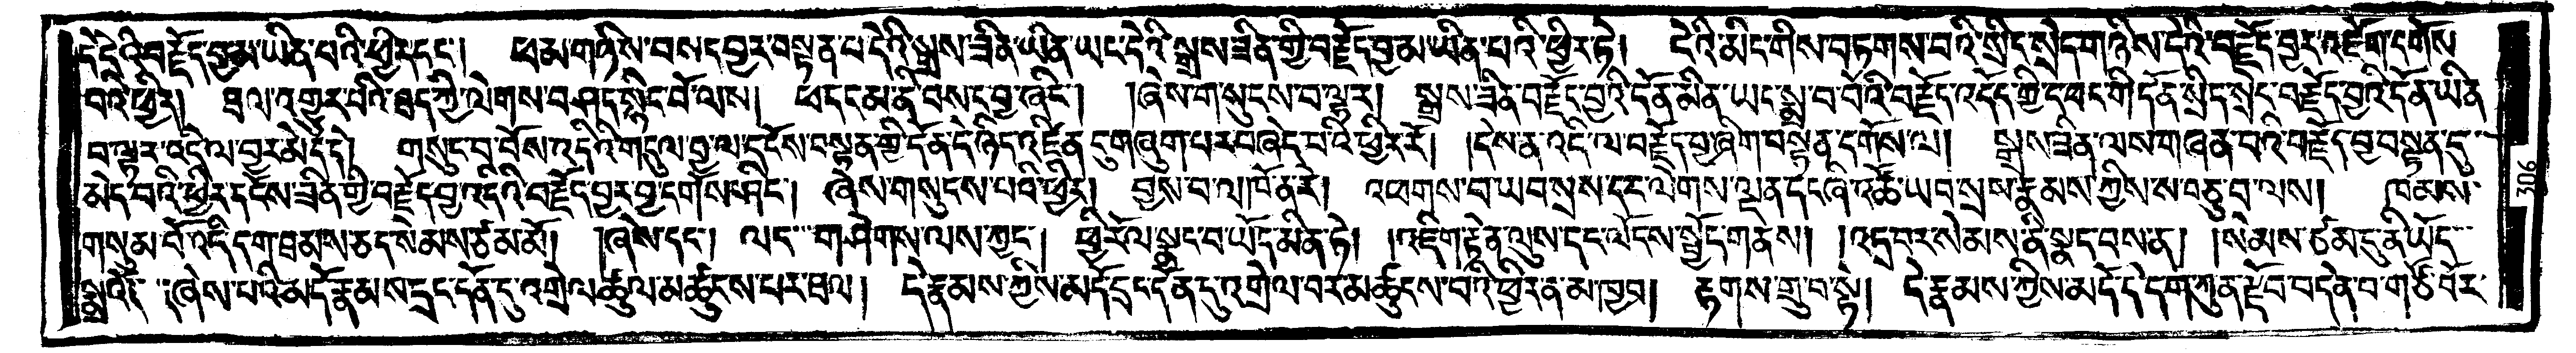དེ་དེའི་བརྗོད་བྱ་མ་ཡིན་པའི་ཕྱིར་དང་། ཕ་མ་གཉིས་བསད་བྱར་བསྟན་པ་དེའི་སྒྲས་ཟིན་ཡིན་ཡང་དེའི་སྒྲས་ཟིན་གྱི་བརྗོད་བྱ་མ་ཡིན་པའི་ཕྱིར་ཏེ། དེའི་མིང་གིས་བཏགས་པའི་སྲིད་སྲེད་གཉིས་དེའི་བརྗོད་བྱར་འཇོག་དགོས་
པའི་ཕྱིར། ཐལ་འགྱུར་བའི་ཐད་ཀྱི་ལེགས་བཤད་སྙིང་པོ་ལས། ཕ་དང་མ་ནི་བསད་བྱ་ཞིང་། །ཞེས་གསུངས་པ་ལྟར། སྒྲས་ཟིན་བརྗོད་བྱའི་དོན་མིན་ཡང་སྨྲ་བ་བོའི་བརྗོད་འདོད་གྱི་དབང་གི་དོན་སྲིད་སྲེད་བརྗོད་བྱའི་དོན་ཡིན་
བ་ལྟར་འདི་ལ་བྱར་མེད་དེ། གསུང་བ་པོས་འདིའི་གདུལ་བྱ་ལ་དངོས་བསྟན་གྱི་དོན་དེ་ཉིད་འཛིན་དུ་གཞུག་པར་བཞེད་པའི་ཕྱིར་རོ། །དེས་ན་འདི་ལ་བརྗོད་བྱ་ཞིག་བསྟན་དགོས་ལ། སྒྲས་ཟིན་ལས་གཞན་པའི་བརྗོད་བྱ་བསྟན་དུ་
མེད་པའི་ཕྱིར་དངོས་ཟིན་གྱི་བརྗོད་བྱ་འདིའི་བརྗོད་བྱར་བྱ་དགོས་ཤིང་། ཞེས་གསུངས་པའི་ཕྱིར། བྱས་པ་ལ་ཁོ་ན་རེ། འཕགས་པ་ཡབ་སྲས་དང་ལེགས་ལྡན་དང་ཞི་འཚོ་ཡབ་སྲས་རྣམས་ཀྱིས་ས་བཅུ་པ་ལས། ཁམས་
གསུམ་པོ་འདི་དག་ཐམས་ཅད་སེམས་ཙམ་མོ། །ཞེས་དང་། ལང་གཤེགས་ལས་ཀྱང་། ཕྱི་རོལ་སྣང་བ་ཡོད་མིན་ཏེ། །འཇིག་རྟེན་ལུས་དང་ལོངས་སྤྱོད་གནས། །འདྲ་བར་སེམས་ནི་སྣང་བས་ན། །སེམས་ཙམ་དུ་ནི་ཡོད་
སྨྲའོ༑ ༑ཞེས་པའི་མདོ་རྣམས་དྲང་དོན་དུ་འགྲེལ་ཚུལ་མཚུངས་པར་ཐལ། དེ་རྣམས་ཀྱིས་མདོ་དྲང་དོན་དུ་འགྲེལ་བར་མཚུངས་པའི་ཕྱིར་ན་མ་ཁྱབ། རྟགས་གྲུབ་སྟེ། དེ་རྣམས་ཀྱིས་མདོ་དེ་དག་ཀུན་རྫོབ་བདེན་པ་གཙོ་བོར་